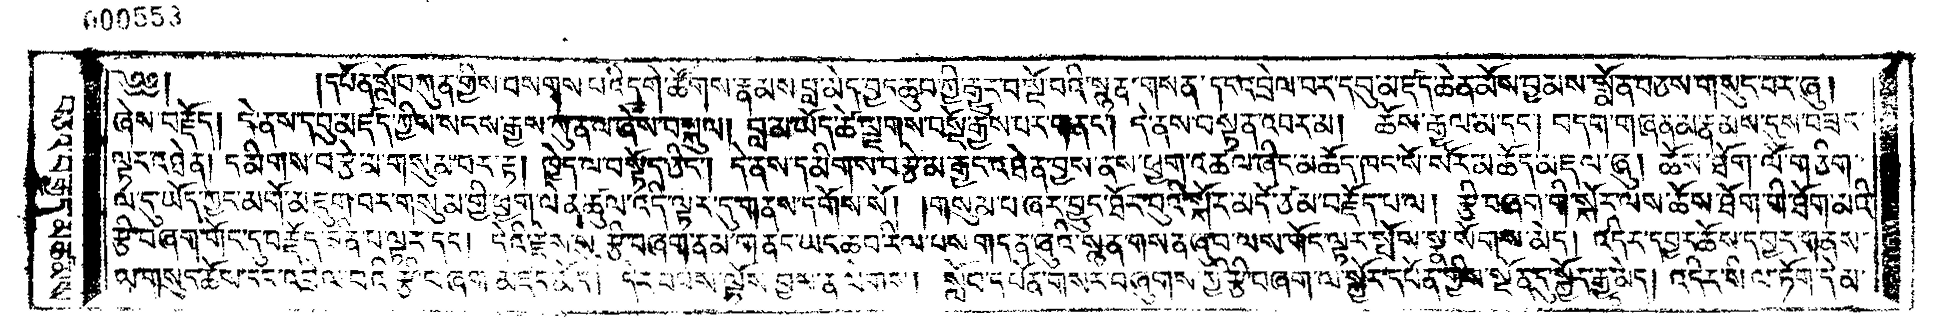༄༅། །དཔོན་སློབ་ཀུན་གྱིས་བསགས་པའི་དགེ་ཚོགས་རྣམས་བླ་མེད་བྱང་ཆུབ་ཀྱི་རྒྱུར་བསྔོ་བའི་སྙན་གསན་དང་འབྲེལ་བར་དབུ་མཛད་ཆེན་མོས་བྱམས་སྨོན་བཅས་གསུང་བར་ཞུ།
ཞེས་བརྗོད། དེ་ནས་དབུ་མཛད་ཀྱིས་སངས་རྒྱས་ཀུན་ལ་ཞེས་བསྐུལ། བླ་མ་ཡོད་ཚེ་ལྗགས་བསྔོ་རྒྱས་པར་གནང་། དེ་ནས་བསྟན་འབར་མ། ཆོས་རྒྱལ་མ་དང་། བདག་གཞན་མ་རྣམས་དུས་བཟང་
ལྟར་འཐེན། དམིགས་བརྩེ་མ་གསུམ་བར་རྟ། ཁྱེད་ལ་བསྟོད་ཅིང་། དེ་ནས་དམིགས་བརྩེ་མ་རྒྱང་འཐེན་བྱས་ནས་ཕྱག་འཚལ་ཞིང་མཆོད་ཁང་སོ་སོར་མཆོད་མཇལ་ཞུ། ཆོས་ཐོག་ལོ་གཅིག་
ལ་དུ་ཡོད་ཀྱང་མགོ་མཇུག་བར་གསུམ་གྱི་ཕྱག་ལེན་ཚུལ་འདི་ལྟར་དུ་གནས་དགོས་སོ། །གསུམ་པ་ཞར་བྱུང་ཐོར་བུའི་སྐོར་མདོ་ཙམ་བརྗོད་པ་ལ། རྩི་བཞག་གི་སྐོར་ལས་ཆོས་ཐོག་གི་ཐོག་མའི་
རྩི་བཞག་གོང་དུ་བརྗོད་ཟིན་པ་ལྟར་དང་། དེའི་རྗེས་སུ་རྩི་བཞག་ནམ་གནང་ཡང་ཆབ་རིལ་པས་གདན་ཞུའི་སྙན་གསན་ཞུ་བ་ལས་གོང་ལྟར་སྤོས་སྣ་སོགས་མེད། འདིར་དབྱར་ཆོས་དབྱར་གནས་
ལ་གསུང་ཆོས་དང་འབྲེལ་བའི་རྩི་བཞག་མཛད་མོད། དེར་བབས་ལྟོས་བྱས་ན་ལེགས། སློབ་དཔོན་གསར་བཞུགས་ཀྱི་རྩི་བཞག་ལ་སྐྱོར་དཔོན་གྱིས་སྔོན་དུ་སྐྱོར་རྒྱུ་མེད། འདིར་སིལ་ཏོག་དེ་མ་